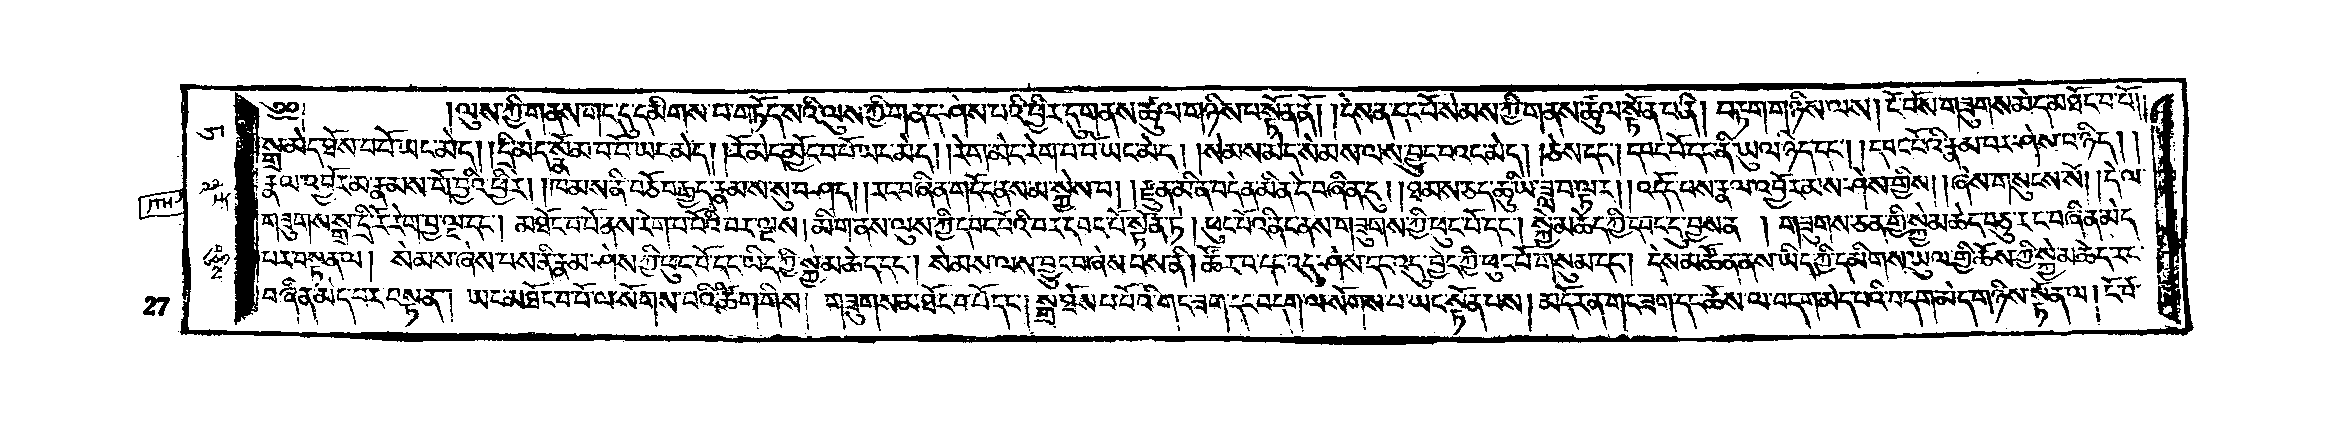༄༅། །ལུས་ཀྱི་གནས་གང་དུ་དམིགས་པ་གཏོད་སའི་ལུས་ཀྱི་གནད་ཤེས་པའི་ཕྱིར་དུ་གནས་ཚུལ་གཉིས་པ་སྟོན་ནོ། །དེས་ན་དང་པོ་སེམས་ཀྱི་གནས་ཚུལ་སྟོན་པ་ནི། བརྟག་གཉིས་ལས། ངོ་བོས་གཟུགས་མེད་མཐོང་བ་པོ། །
སྒྲ་མེད་ཐོས་པ་པོ་ཡང་མེད། །དྲི་མེད་སྣོམ་པ་པོ་ཡང་མེད། །རོ་མེད་མྱོང་བ་པོ་ཡང་མེད། །རེག་མེད་རེག་པ་པོ་ཡང་མེད། །སེམས་མེད་སེམས་ལས་བྱུང་བའང་མེད། །ཅེས་དང་། དབང་པོ་དང་ནི་ཡུལ་ཉིད་དང་། །དབང་པོའི་རྣམ་པར་ཤེས་པ་ཉིད། །
རྣལ་འབྱོར་མ་རྣམས་གོ་བྱའི་ཕྱིར། །ཁམས་ནི་བཅོ་བརྒྱད་རྣམས་སུ་བཤད། །རང་བཞིན་གདོད་ནས་མ་སྐྱེས་པ། །རྫུན་མིན་བདེན་མིན་དེ་བཞིན་དུ། །ཐམས་ཅད་ཆུ་ཡི་ཟླ་བ་ལྟར། །འདོད་པས་རྣལ་འབྱོར་མས་ཤེས་གྱིས། །ཞེས་གསུངས་སོ། །དེ་ལ་
གཟུགས་སྒྲ་དྲི་རོ་རེག་བྱ་ལྔ་དང་། མཐོང་བ་པོ་ནས་རེག་པ་པོའི་བར་ལྔས། མིག་ནས་ལུས་ཀྱི་དབང་པོའི་བར་དབང་པོ་སྟོན་ཏེ། ཕུང་པོའི་ནང་ནས་གཟུགས་ཀྱི་ཕུང་པོ་དང་། སྐྱེ་མཆེད་ཀྱི་དབང་དུ་བྱས་ན། གཟུགས་ཅན་གྱི་སྐྱེ་མཆེད་བཅུ་རང་བཞིན་མེད་
པར་བསྟན་ལ། སེམས་ཞེས་པས་ནི་རྣམ་ཤེས་ཀྱི་ཕུང་པོ་དང་ཡིད་ཀྱི་སྐྱེ་མཆེད་དང་། སེམས་ལས་བྱུང་བ་ཞེས་པས་ནི། ཚོར་བ་དང་འདུ་ཤེས་དང་འདུ་བྱེད་ཀྱི་ཕུང་པོ་གསུམ་དང་། དེས་མཚོན་ནས་ཡིད་ཀྱི་དམིགས་ཡུལ་གྱི་ཆོས་ཀྱི་སྐྱེ་མཆེད་རང་
བཞིན་མེད་པར་བསྟན། ཡང་མཐོང་བ་པོ་ལ་སོགས་པའི་ཚིག་གིས། གཟུགས་མཐོང་བ་པོ་དང་། སྒྲ་ཐོས་པ་པོའི་གང་ཟག་དང་བདག་ལ་སོགས་པ་ཡང་སྟོན་པས། མདོར་ན་གང་ཟག་དང་ཆོས་ལ་བདག་མེད་པའི་བདག་མེད་གཉིས་སྟོན་ལ། ངོ་བོ་